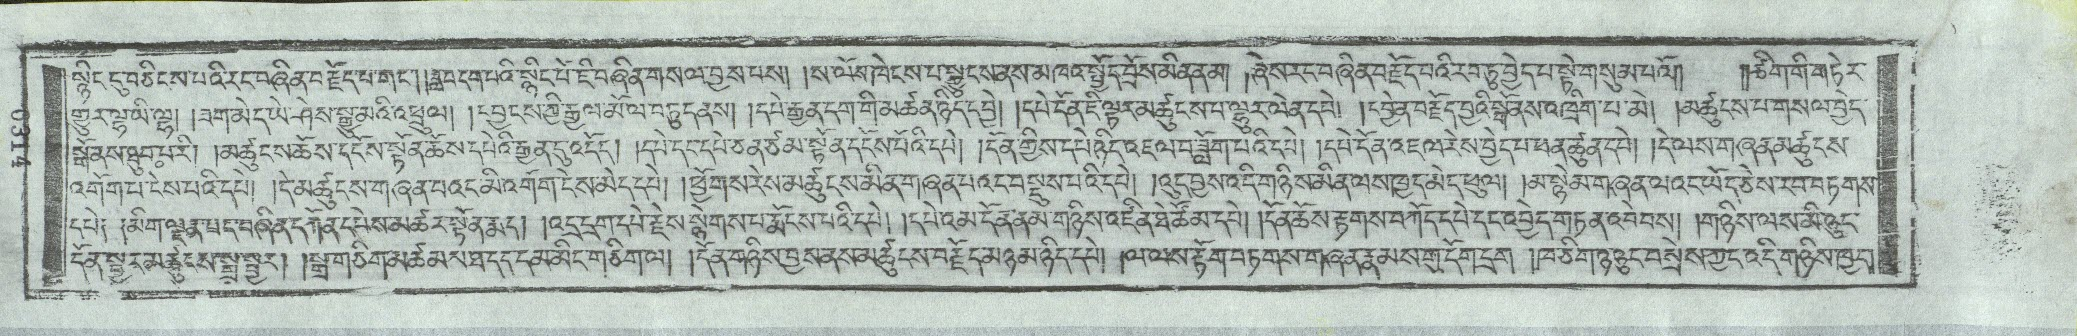སྙིང་དུ་བཅིངས་པའི་རང་བཞིན་བརྗོད་པ་གང་། །ཟླ་བདག་པའི་སྙིང་པོ་ཇི་བཞིན་གསལ་བྱས་པས། །ས་ལོས་ཁེངས་པ་སྒྱུངས་ནས་མཁའ་སྤྱོད་བྲིས་མིན་ནམ། །ཞེས་རང་བརྗོད་པའི་རབ་ཏུ་བྱེད་པ་སྟེ་གསུམ་པའོ།། །།ཚིག་གི་གྔེར?
གྱུར་ལྷ་ཡི་ལྷ། །ཟག་མེད་ཡེ་ཤེས་སྒྱུ་མའི་འཕྲུལ། །དབྱངས་ཀྱི་རྒྱལ་མོ་ལ་བཏུད་ནས། །དཔེ་རྒྱན་དག་གི་མཚན་ཉིད་དབྱེ། །དཔེ་དོན་ཇི་ལྟར་མཚུངས་པ་ལྷུར་ལེན་དཔེ། །དབྱེ་ན་བརྗོད་བྱའི་སྒོ་ནས་འཁྲིག་པ་མེ། །མཚུངས་པ་གསལ་བྱད་
སྐོན་ནས་ཐུབ་པ་རི། །མཚུངས་ཆོས་དངོས་སྟོན་ཆོས་དཔེའི་རྒྱུན་དུ་འདོད། །དཔེ་དང་དཔེ་ཅན་ཙམ་སྟོན་དངོས་པོའི་དཔེ། །དོན་གྱིས་དཔེ་ཉིད་འཇལ་བ་ཟློག་པའི་དཔེ། །དཔེ་དོན་འཇམ་རེས་བྱེད་པ་ཕན་ཚུན་དཔེ། །དེ་ལས་གཞན་མཚུངས་
འགོག་པ་ངེས་པའི་དཔེ། །དེ་མཚུངས་གཞན་ལའང་མི་འགོག་ངེས་མེད་དཔེ། །ཕྱོགས་རེས་མཚུངས་མིན་གཞན་པའང་བསྡུས་པའི་དཔེ། །འུང་བྱས་འདི་གཉིས་མིན་ལས་ཁྱད་མེད་ཕུལ། །མ་སྙེམ་གཞན་ལའང་ཡོད་ཅེས་རབ་བཏགས་
དཔེ། །མིག་ལྡན་པད་བཞིན་དཀོན་དཔེས་མཚན་སྟོན་རྨད། །འདྲ་དྲག་དཔེ་རྗེས་སྙེགས་པ་རྨོངས་པའི་དཔེ། །དཔེ་འམ་དོན་ནམ་གཉིས་འཛིན་ཐེ་ཚོམ་དཔེ། །དོན་ཆོས་རྟགས་བཀོད་དབེ་དང་འབྱེད་གཏན་འབེབས། །གཉིས་ལས་མི་ང?
དོན་སྦྱར་མཚུངས་སྒྲ་སྦྱར། །སྒྲ་གཅིག་མཚམས་ཐ་དད་དམ་མིང་གཅིག་ལ། །དོན་གཉིས་བྱས་ནས་མཚུངས་བརྗོད་མཉམ་ཉིད་དཔེ། །ལ་ལས་རྟོག་བཏགས་གཞན་རྣམས་གུ་དོན་དྲག །ཁ་ཅིག་ཉ་ཉུང་བསྲེས་ཀྱང་འདི་གཉིས་ཁྱད།